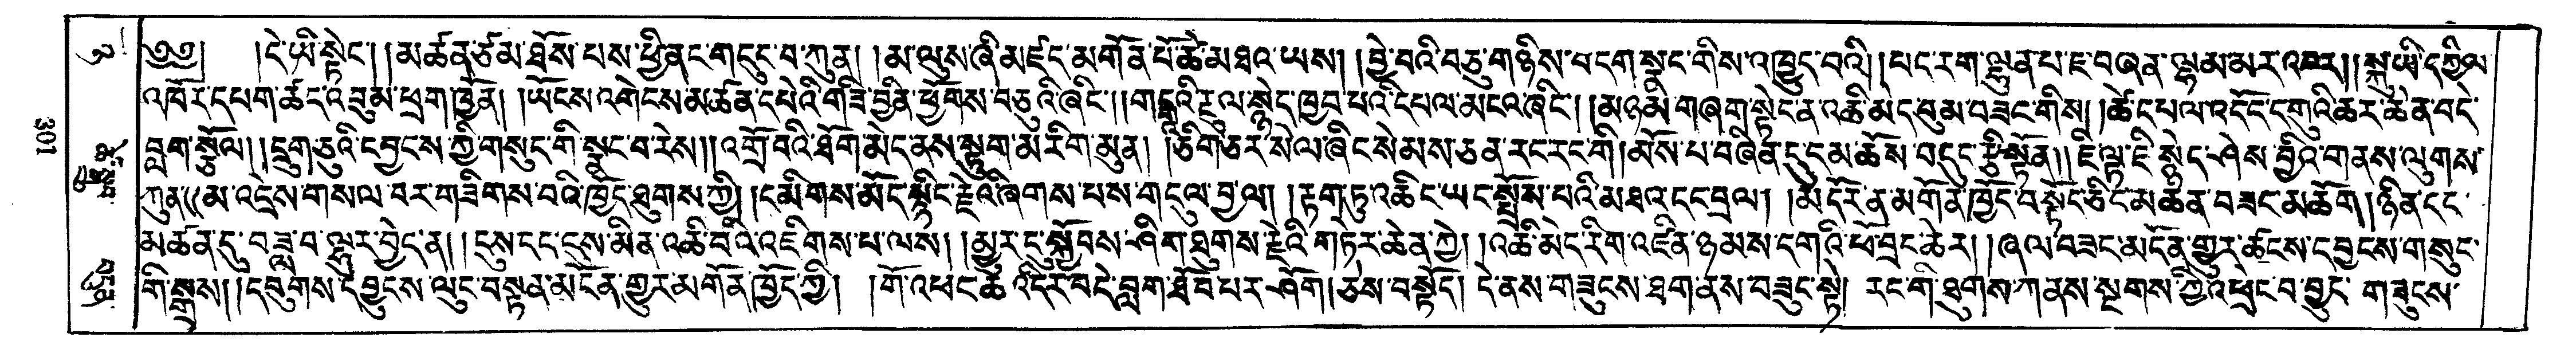༄༅། །དེ་ཡི་སྟེང་། །མཚན་ཙམ་ཐོས་པས་ཕྱི་ནང་གདུང་བ་ཀུན། །མ་ལུས་ཞི་མཛད་མགོན་པོ་ཚེ་མཐའ་ཡས། །བྱེ་བའི་བཅུ་གཉིས་བདག་སྣང་གིས་འཁྱུད་བའི། །པད་རག་ལྷུན་པོ་ཇི་བཞིན་ལྷམ་མེར་འབར། །སྐུ་ཡི་དཀྱིལ་
འཁོར་དཔག་ཚད་འབུམ་ཕྲག་ཁྱོན། །ཡོངས་འགེངས་མཚན་དཔེའི་གཟི་བྱིན་ཕྱོགས་བཅུའི་ཞིང་། །གངྒཱའི་རྡུལ་སྙེད་ཁྱབ་བའི་དཔལ་མངའ་ཞིང་། །མཉམ་གཞག་སྟེང་ན་འཆི་མེད་བུམ་བཟང་གིས། །ཚེ་དཔལ་འདོད་དགུའི་ཆར་ཆེན་བདེ་
བླག་སྩོལ། །དྲུག་ཅུའི་དབྱངས་ཀྱི་གསུང་གི་སྣང་བ་རེས། །འགྲོ་བའི་ཐོག་མེད་ནས་སྟུག་མ་རིག་མུན། །ཅིག་ཅར་སེལ་ཞིང་སེམས་ཅན་རང་རང་གི །མོས་པ་བཞིན་དུ་དམ་ཆོས་བདུད་རྩི་སྟོན། །ཇི་ལྟ་ཇི་སྙེད་ཤེས་བྱའི་གནས་ལུགས་
ཀུན༑ ༑མ་འདྲེས་གསལ་བར་གཟིགས་པའི་ཁྱོད་ཐུགས་ཀྱི། །དམིགས་མེད་སྙིང་རྗེའི་ཞགས་པས་གདུལ་བྱ་ལ། །རྟག་ཏུ་འཆིང་ཡང་སྤྲོས་པའི་མཐའ་དང་བྲལ། །མདོར་ན་མགོན་ཁྱོད་བསྟོད་ཅིང་མཚན་བཟང་མཆོག །ཉིན་དང་
མཚན་དུ་བཟླ་བ་ལྷུར་བྱེད་ན། །དུས་དང་དུས་མིན་འཆི་བའི་འཇིགས་པ་ལས། །མྱུར་དུ་སྐྱོབས་ཤིག་ཐུགས་རྗེའི་གཏེར་ཆེན་ཀྱེ། །འཆི་མེད་རིག་འཛིན་ཉམས་དགའི་ཕོ་བྲང་ཆེར། །ཞལ་བཟང་མངོན་གྱུར་ཚངས་དབྱངས་གསུང་
གི་སྒྲས། །དབུགས་དབྱུངས་ལུང་བསྟན་མངོན་གྱུར་མགོན་ཁྱོད་ཀྱི། །གོ་འཕང་ཚེ་འདིར་བདེ་བླག་ཐོབ་པར་ཤོག། ཅེས་བསྟོད། དེ་ནས་གཟུངས་ཐག་ནས་བཟུང་སྟེ། རང་གི་ཐུགས་ཀ་ནས་སྔགས་ཀྱི་འཕྲེང་བ་བྱུང་། གཟུངས་